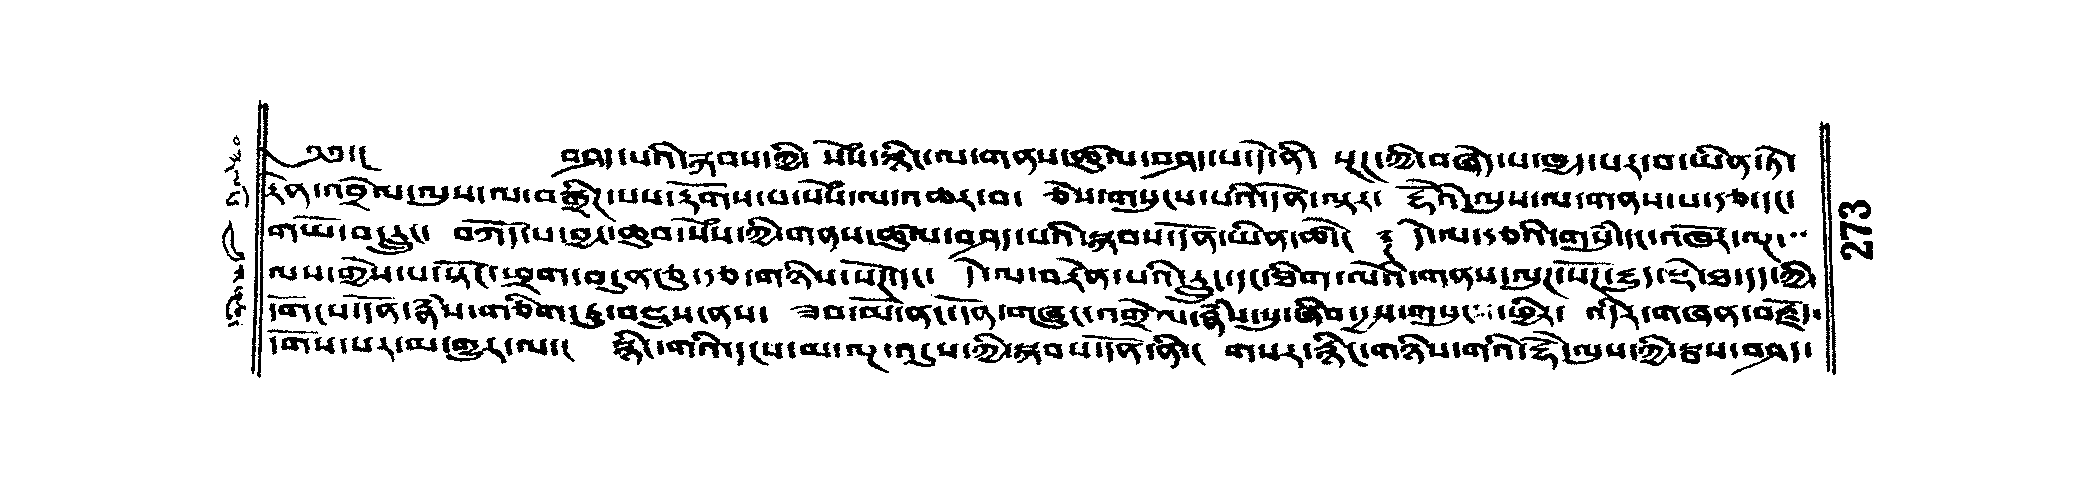བཤད་པའི་སྐབས་ཀྱི་སེམས་སྙིང་ལ་གནས་ཚུལ་བཤད་པ་དེ་ནི། སྔགས་ཀྱི་བཞེད་པ་ཁྱད་པར་བ་ཡིན་ཏེ། 
རྟེན་འབྲེལ་ལུས་ལ་བསྒྲིགས་པས་རྟོགས་པ་སེམས་ལ་འཆར་བ། ཞེས་གསུངས་པའི་དོན་ལྟར། རྡོ་རྗེའི་ལུས་ལ་གནས་པ་རྩ་དང་། 
གཡོ་བ་རླུང་། བཀོད་པ་བྱང་ཆུབ་སེམས་ཀྱི་གནས་ཚུལ་བཤད་པའི་སྐབས་དོན་ཡིན་ཚེ། དེ་ལ་རྩའི་གཙོ་བོ་གསུམ་དང་འཁོར་ལྔ་
ལས་གྱེས་པ་སྟོང་ཕྲག་བདུན་ཅུ་རྩ་གཉིས་སོགས་དང་། དེ་ལ་བརྟེན་པའི་རླུང་དང་ཐིག་ལེའི་གནས་ལུགས་སོགས་རྒྱུད་སྡེ་ཐ་དད་ཀྱི་
དགོངས་དོན་རྣམས་གཅིག་ཏུ་བསྡུས་ནས། ཟབ་མོ་ནང་དོན་གཞུང་འགྲེལ་རྣམས་སུ་ཞིབ་རྒྱས་གསུངས་ཕྱིར། འདིར་གཞན་བརྗོད་
དགོས་པར་མ་གྱུར་ལ། སྙིང་གའི་དྭངས་མ་ལྔ་འདུས་ཀྱི་སྐབས་དོན་ནི། གསར་རྙིང་གཉིས་གའི་རྡོ་རྗེ་ལུས་ཀྱི་སྦས་བཤད་